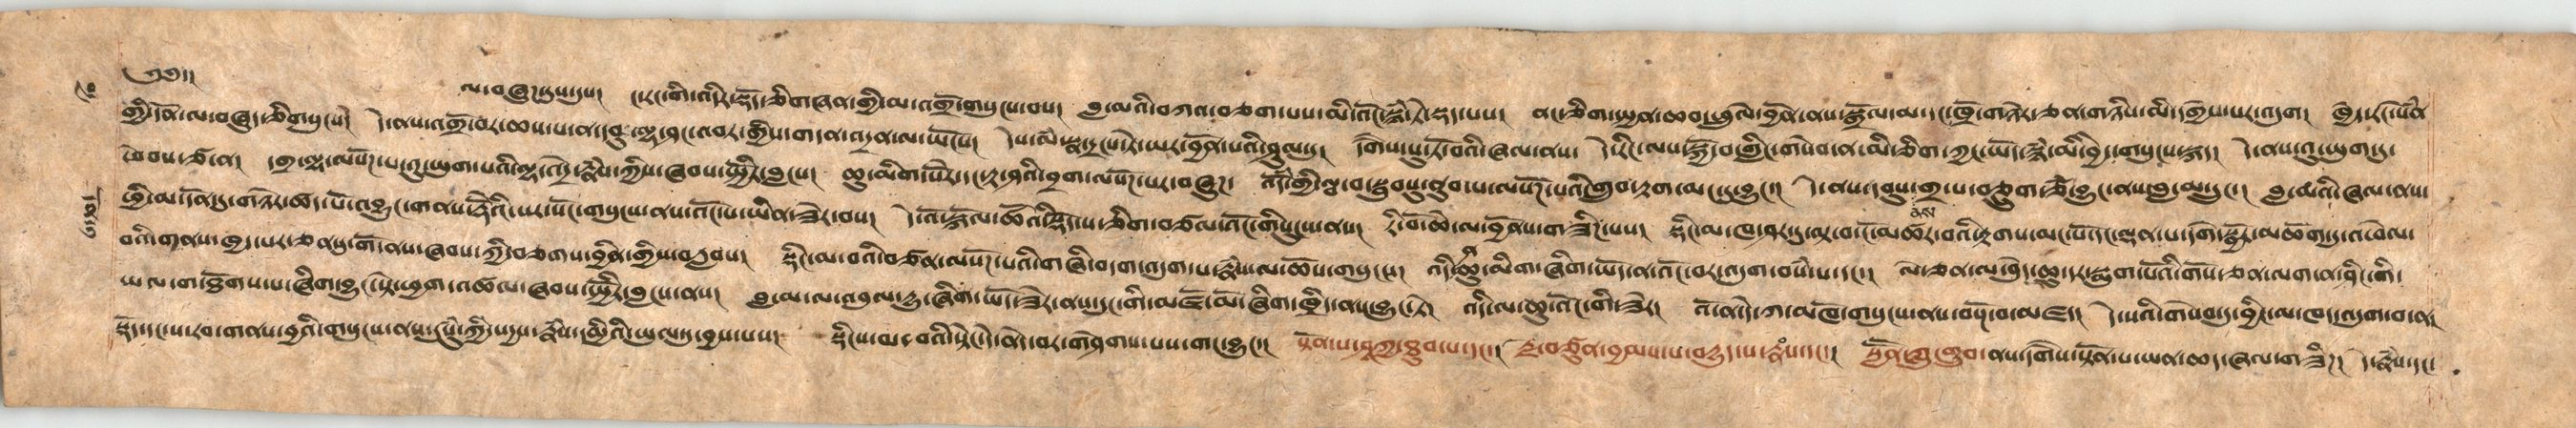ལ་བཞུཌ་དུས་དུས། ང་རང་གི་འདིར་སྡོད་ཅིག་གཞན་གྱི་མ་འགྲོ་གསུངས་བས། བླ་མའི་བཀའ་བཅག་པས་མི་འོང་སྙཾ་ཏེ་སྡད་པས། ནང་གཅིག་སྤྱན་ཆབ་ཕྲུལེ་བྱོན་ནས་སྒྲོལ་མ་དང་ཁྲོ་གཉེར་ཅན་གཉིས་མི་དགྱེས་པར་འདུག། ཁྱེད་རང་སེཾན
གྱི་དོན་ལ་བཞུད་ཅིགསུངས། དེ་ནས་འགྲོ་བར་ཆས་པ་ན་དབུ་ལྷ་ཤང་འབར་གྱིས་གདན་འདྲན་ལ་ཡོངས། དེས་ལཾ་སྣ་དྲངས་ཏེ་ཡར་བྱོན་པའི་ཤུལ་དུ། དགཻས་པུ་ཏོ་བའི་ཞལ་ནས། དེ་རིང་ལས་སྐྱོ་བ་གླིང་གསེབ་ན་མི་ཅིག་ཀྱང་ཡོད་སྙཾ་མི་བྱེད་གསུངས་སྐད། དེ་ནས་འུ་ཡུག་དུ་
ཕེབས་ཙ་ན། དགྲ་ལྷ་ལ་སོཌ་པ་འུ་ཡུག་པའི་ལྷ་འདྲེ་རྣཾས་ཀྱིས་ཞབས་སྤྱོིར་བླངས། ཆུ་མིག་སོེར་དང་རྟ་ཤའི་བྲག་ལ་སོཌ་པར་བཞུཌ། འདོཾས་གྱི་ལྦ་བ་སྦུབསུ་ནུབ་པ་ལསོཌ་པའི་གྲུབ་རྟག་མང་དུ་བྱུང་། དེ་ནས་དབུས་ནས་གྲ་པ་བཅྲུག་ཙཾ་བྱུང་ནས་བླ་མ་དྲུང་། བླ་མའི་ཞལ་ནས་
ཕྱི་མ་དོན་དུ་གཉེར་ཚད་པོ་འབྱུང་གནས་རྡོེའི་སར་སོང་གསུངས་ནས་འོང་པ་ཡིན་ཟེར་བས། ད་འོ་སྐོལ་ཚོའི་སྡོད་ས་ཅིག་བཙལ་འོང་གིསུངས་ནས། རི་བོ་ཆེ་ལ་བྱོནས་གཟིཌ་པས། སྡིང་མ་ཁ་ཤར་དུ་ལྟ་བ་ངོ་མཚར་བའི་རྟགས་མང་པོ་དང་ལྡན་པ་དགེ་སྦྱོར་མཆོག་དུ་འཕེལ་
བའི་གནས་ཁྱད་པར་ཅནསུ་གོ་ནས་ཞབས་ཀྱི་བཅགས་བྱིན་གྱིས་བརླབས། སྡིང་མ་བའི་བཙན་ལསོཌ་པའི་གཞི་བདག་འདུག་པ་རྣཾས་ལ་ཆོས་གསུངས། འདི་ན་ཆུ་མིག་ཞིག་ཡོད་ན་འོང་བར་འདུག་བསཾ་པ་དང་། ལེ་ཅན་ལ་བེུད་ཆུ་དར་སྨུག་པོའི་གོས་ཅན་ལག་ན་ཤིང་གི་
ཡལ་ག་ཐོགས་པ་ཞིག་བྱུང་སྟེ་ཕྱག་འཚལ་ཞབས་སྤྱིརོ་བླངས་ནས། བླ་མ་ལ་འབུལ་དྱུ་ཞིག་ཡོད་ཟེར་ནས་དུང་གི་མཛོ་མོ་ཞིག་ཁྲིད་ནས་བྱུང་ཏེ། འདི་ལ་ཆུ་འོང་གི་ཟེར། འོ་ན་དེ་ཀ་མཁོ་གསུངས་ནས་བསྔོ་བ་མཛད། དེ་སའི་གསེབ་དུ་བྱིང་ལ་ཁད་འདུག་བ་ན།
སྡོད་དང་ས་རབ་གནས་བྱའི་གསུངས་ནས་དུསུཾ་ཀྱི་སདྱས་རྣཾས་དམྱིའི་ཡུལ་དུ་བྱས་པས། སྡིངས་མ་བའི་སྟེང་དེ་བདེ་བར་གཤེགས་པས་གང་བྱུང་། སྟོན་པ་ཤཱཀྱ་ཐུབ་པ་དང་། རྗེ་བཙུན་བྱམས་པ་བདྱུད་པ་རྣཾས་དང་། སླཽན་ཀླུ་གྲུབ་ནས་དགཻས་སྟོན་པ་ཡན་ཆད་ཞལ་གཟིཌ། དེ་རྣཾས་དང་